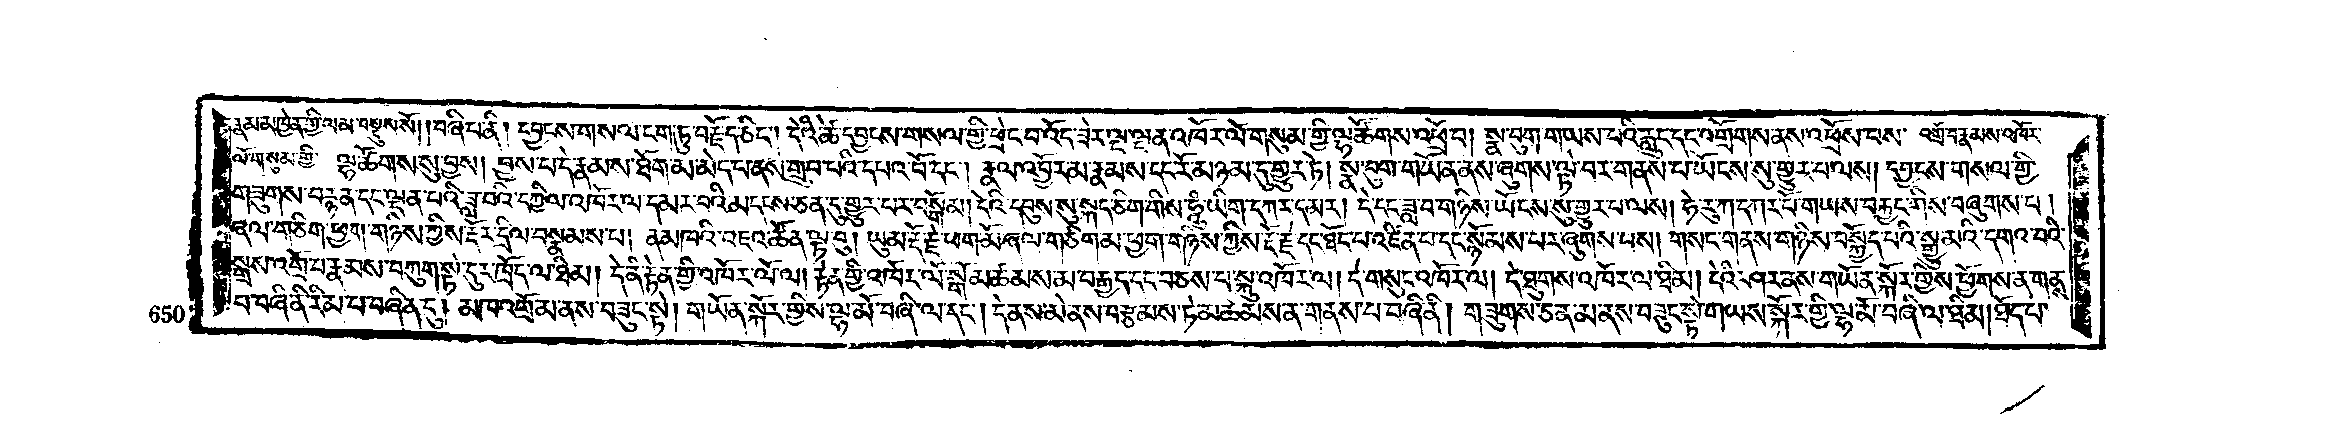རྣམ་མཁྱེན་གྱི་ལམ་བསྡུས་སོ། །བཞི་པ་ནི། དབྱངས་གསལ་ངག་ཏུ་བརྗོད་ཅིང་། དེའི་ཚེ་དབྱངས་གསལ་གྱི་ཕྲེང་བ་འོད་ཟེར་ལྔ་ལྡན་འཁོར་ལོ་གསུམ་གྱི་ལྷ་ཚོགས་འཕྲོ་བ། སྣ་བུག་གཡས་པའི་རླུང་དང་འགྲོགས་ནས་འཕྲོས་པས་འགྲོ་བ་རྣམས་འཁོར་
ལོ་གསུམ་གྱི་ལྷ་ཚོགས་སུ་བྱས། བྱས་པ་དེ་རྣམས་ཐོག་མ་མེད་པ་ནས་གྲུབ་པའི་དཔའ་བོ་དང་། རྣལ་འབྱོར་མ་རྣམས་དང་རོ་མཉམ་དུ་གྱུར་ཏེ། སྣ་བུག་གཡོན་ནས་ཞུགས་ལྟེ་བར་གནས་པ་ཡོངས་སུ་གྱུར་པ་ལས། དབྱངས་གསལ་གྱི་
གཟུགས་བརྙན་དང་ལྡན་པའི་ཟླ་བའི་དཀྱིལ་འཁོར་ལ་དམར་བའི་མདངས་ཅན་དུ་གྱུར་པར་བསྒོམ། དེའི་དབུས་སུ་སྐད་ཅིག་གིས་ཧཱུཾ་ཡིག་དཀར་དམར། དེ་དང་ཟླ་བ་གཉིས་ཡོངས་སུ་གྱུར་པ་ལས། ཧེ་རུ་ཀ་དཀར་པོ་གཡས་བརྐྱང་གིས་བཞུགས་པ།
ཞལ་གཅིག་ཕྱག་གཉིས་ཀྱིས་རྡོར་དྲིལ་བསྣམས་པ། ནམ་མཁའི་འཇའ་ཚོན་ལྟ་བུ། ཡུམ་རྡོ་རྗེ་ཕག་མོ་ཞལ་གཅིག་མ་ཕྱག་གཉིས་ཀྱིས་རྡོ་རྗེ་དང་ཐོད་པ་འཛིན་པ་དང་སྙོམས་པར་ཞུགས་པས། གསང་གནས་གཉིས་བསྐྱོད་པའི་སྒྱུ་མའི་དགའ་བའི་
སྒྲས་འགྲོ་བ་རྣམས་བཀུག་སྟེ་དུར་ཁྲོད་ལ་ཐིམ། དེ་ནི་རྟེན་གྱི་འཁོར་ལོ་ལ། རྟེན་གྱི་འཁོར་ལོ་སྒོ་མཚམས་མ་བརྒྱད་དང་བཅས་པ་སྐུ་འཁོར་ལ། དེ་གསུང་འཁོར་ལ། དེ་ཐུགས་འཁོར་ལ་ཐིམ། དེའི་ཤར་ནས་གཡོན་སྐོར་གྱིས་ཕྱོགས་ན་གནས་
པ་བཞི་ནི་རིམ་པ་བཞིན་དུ། མཁའ་འགྲོ་མ་ནས་བཟུང་སྟེ། གཡོན་སྐོར་གྱིས་ལྷ་མོ་བཞི་ལ་དང་། དེ་ནས་མེ་ནས་བརྩམས་ཏེ་མཚམས་ན་གནས་པ་བཞིན་ནི། གཟུགས་ཅན་མ་ནས་བཟུང་སྟེ་གཡས་སྐོར་གྱི་ལྷ་མོ་བཞི་ལ་ཐིམ། ཐོད་པ་